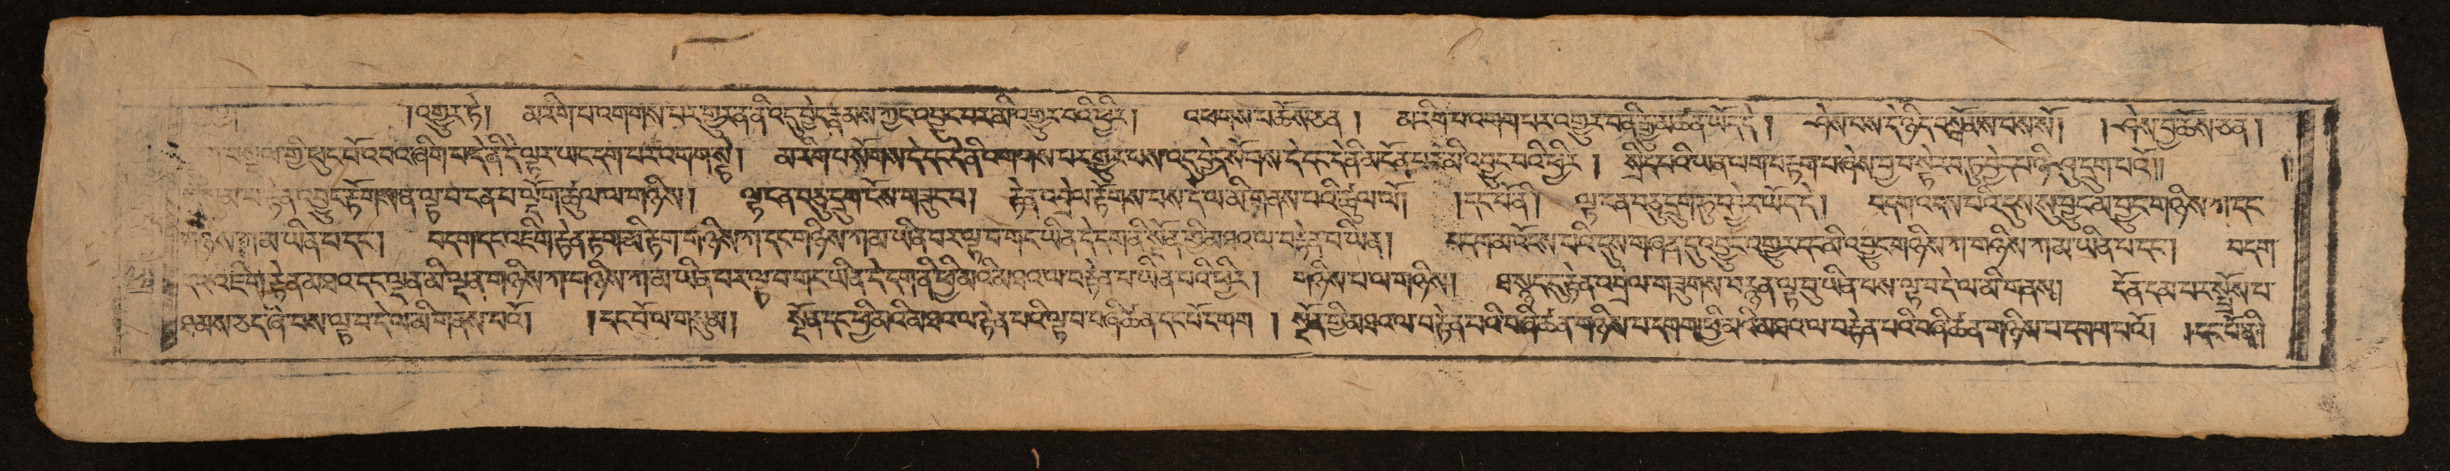༄༅། །འགྱུར་ཏེ། མ་རིག་པ་འགགས་པར་གྱུར་ན་ནི་འདུ་བྱེད་རྣམས་ཀྱང་འབྱུང་བར་མི་འགྱུར་བའི་ཕྱིར། འཕགས་པ་ཆོས་ཅན། མ་རིག་པ་འགག་པར་འགྱུར་བ་ནི་རྒྱུ་མཚན་ཡོད་དེ། ཤེས་པས་དེ་ཉིད་བསྒོམས་པས་སོ། །ཤས་བྱ་ཆོས་ཅན།
སྡུག་བསྔལ་གྱི་ཕུང་པོ་འབའ་ཞིག་པ་དེ་ནི་དེ་ལྟར་ཡང་དག་པར་འགག་སྟེ། མ་རིག་པ་སོགས་དེ་དང་དེ་ནི་འགགས་པར་གྱུར་པས་འདུ་བྱེད་སོགས་དེ་དང་དེ་ནི་མངོན་པར་མི་འབྱུང་བའི་ཕྱིར། སྲིད་པའི་ཡན་ལག་བརྟག་པ་ཞེས་བྱ་བ་སྟེ་རབ་ཏུ་བྱེད་པ་ཉི་ཤུ་དྲུག་པའོ།། །།
གསུམ་པ་རྟེན་འབྱུང་རྟོགས་ན་ལྟ་བ་ངན་པ་ལྡོག་ཚུལ་ལ་གཉིས། ལྟ་ངན་བཅུ་དྲུག་ངོས་གཟུང་བ། རྟེན་འབྲེལ་རྟོགས་པས་དེ་ལ་མི་གནས་པའི་ཚུལ་ལོ། །དང་པོ་ནི། ལྟ་ངན་བཅུ་དྲུག་ཏུ་དབྱེར་ཡོད་དེ། བདག་འདས་པའི་དུས་སུ་བྱུང་མ་བྱུང་གཉིས་ཀ་དང་
གཉིས་ཀ་མ་ཡིན་པ་དང་། བདག་དང་འཇིག་རྟེན་རྟག་མི་རྟག་གཉིས་ཀ་དང་གཉིས་ཀ་མ་ཡིན་པར་ལྟ་བ་གང་ཡིན་དེ་དག་ནི་སྔོན་གྱི་མཐའ་ལ་བརྟེན་པ་ཡིན། བདག་མ་འོངས་པའི་དུས་གཞན་དུ་འབྱུང་འགྱུར་དང་མི་འབྱུང་གཉིས་ཀ་གཉིས་ཀ་མ་ཡིན་པ་དང་། བདག་
དང་འཇིག་རྟེན་མཐའ་དང་ལྡན་མི་ལྡན་གཉིས་ཀ་གཉིས་ཀ་མ་ཡིན་པར་ལྟ་བ་གང་ཡིན་དེ་དག་ནི་ཕྱི་མའི་མཐའ་ལ་བརྟེན་པ་ཡིན་པའི་ཕྱིར། གཉིས་པ་ལ་གཉིས། ཐ་སྙད་དུ་རྟེན་འབྲེལ་གཟུགས་བརྙན་ལྟ་བུ་ཡིན་པས་ལྟ་བ་དེ་ལ་མི་གནས། དོན་དམ་པར་སྤྲོས་པ་
ཐམས་ཅད་ཞི་བས་ལྟ་བ་དེ་ལ་མི་གནས་པའོ། །དང་པོ་ལ་གསུམ། སྔོན་དང་ཕྱི་མའི་མཐའ་ལ་རྟེན་པའི་ལྟ་བ་བཞི་ཚན་དང་པོ་དགག། སྔོན་གྱི་མཐའ་ལ་བརྟེན་པའི་བཞི་ཚན་གཉིས་པ་དགག། ཕྱི་མའི་མཐའ་ལ་བརྟེན་པའི་བཞི་ཚན་གཉིས་པ་དགག་པའོ། །དང་པོ་ནི།